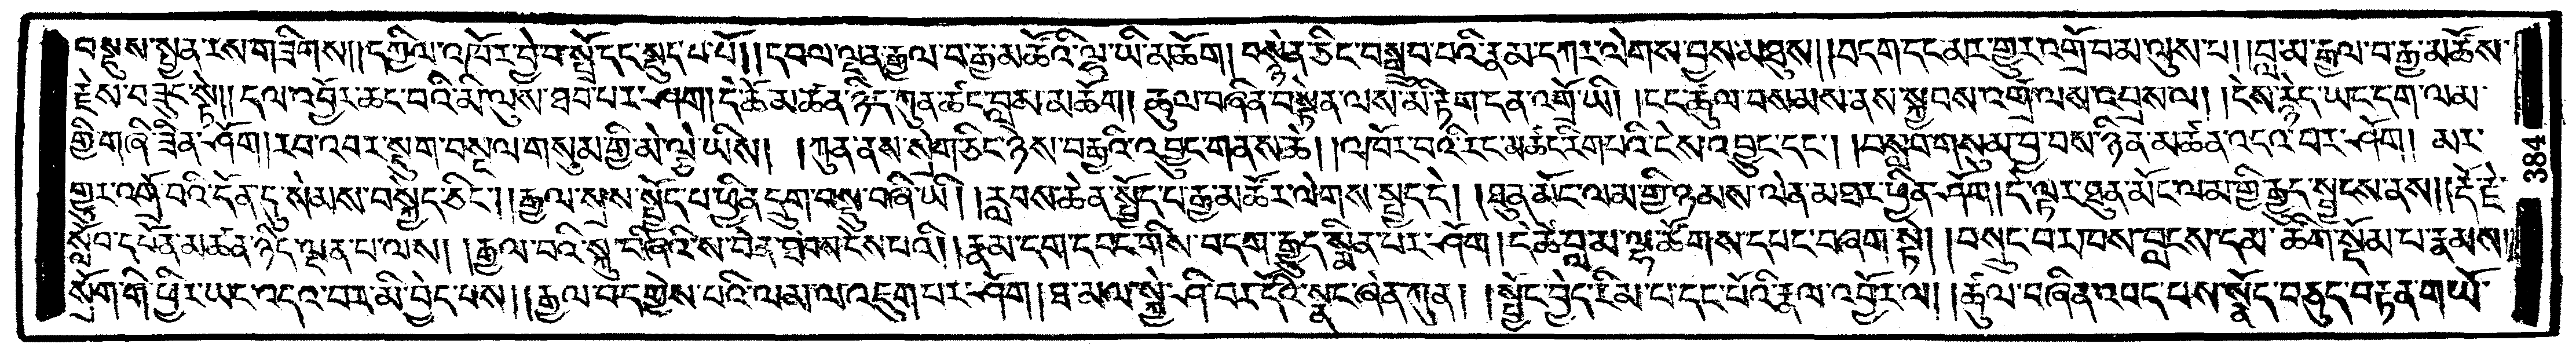བསྡུས་སྤྱན་རས་གཟིགས། །དཀྱིལ་འཁོར་བྱེ་བ་སྤྲོ་དང་སྡུད་པ་པོ། །དཔལ་ལྡན་རྒྱལ་བ་རྒྱ་མཚོའི་ལྷ་ཡི་མཆོག །བསྙེན་ཅིང་བསྒྲུབ་པའི་རྣམ་དཀར་ལེགས་བྱས་མཐུས། །བདག་དང་མར་གྱུར་འགྲོ་བ་མ་ལུས་པ། །བླ་མ་རྒྱལ་བ་རྒྱ་མཚོས་
རྗེས་བཟུང་སྟེ། །དལ་འབྱོར་ཆང་བའི་མི་ལུས་ཐབ་པར་ཤོག །དེ་ཆོ་མཚན་ཉིད་ཀུན་ཚང་བླ་མ་མཆོག །ཆུལ་བཞིན་བསྟེན་ལས་མི་རྟག་ངན་འགྲོ་ཡི། །ངང་ཚུལ་བསམས་ནས་སྐྱབས་འགྲོ་ལས་འབྲས་ལ། །ངེས་རྙེད་ཡང་དག་ལམ་
གྱི་གཞི་ཟིན་ཤོག །རབ་འབར་སྡུག་བསྔལ་གསུམ་གྱི་མེ་ལྕེ་ཡིས། །ཀུན་ནས་སྲེག་ཅིང་ཉེས་བརྒྱའི་འབྱུང་གནས་ཆེ། །འཁོར་བའི་རང་མཚང་རིག་པའི་ངེས་འབྱུང་དང་། །བསླབ་གསུམ་བྱ་བས་ཉིན་མཚན་འདའ་བར་ཤོག །མར་
གྱུར་འགྲོ་བའི་དོན་དུ་སེམས་བསྐྱེད་ཅིང་། །རྒྱལ་སྲས་སྤྱོད་པ་ཕྱིན་དྲུག་བསྡུ་བཞི་ཡི། །རླབས་ཆེན་སྤྱོད་པ་རྒྱ་མཚོར་ལེགས་སྤྱད་དེ། །ཐུན་མོང་ལམ་གྱི་ཉམས་ལེན་མཐར་ཕྱིན་ཤོག །དེ་ལྟར་ཐུན་མོང་ལམ་གྱི་རྒྱུད་སྦྱངས་ནས། །རྡོ་རྗེ་
སློབ་དཔོན་མཚན་ཉིད་ལྡན་པ་ལས། །རྒྱལ་བའི་སྐུ་བཞིའི་ས་བེན་ཐབས་ངེས་པའི། །རྣམ་དག་དབང་གིས་བདག་རྒྱུད་སྨིན་པར་ཤོག །དེ་ཚེ་བླ་མ་ལྷ་ཚོགས་དཔང་བཞག་སྟེ། །བསྲུང་བར་ཁས་བླངས་དམ་ཚིག་སྡོམ་པ་རྣམས།
སྲོག་གི་ཕྱིར་ཡང་འདའ་བར་མི་བྱེད་པས། །རྒྱལ་བ་དགྱེས་པའི་ལམ་ལ་འཇུག་པར་ཤོག །ཐ་མལ་སྐྱེ་ཤི་བར་དོའི་སྣང་ཞེན་ཀུན། །སྤྱོད་བྱེད་རིམ་པ་དང་པོའི་རྣལ་འབྱོར་ལ། །ཚུལ་བཞིན་འབད་པས་སྣོད་བཅུད་བརྟན་གཡོ་